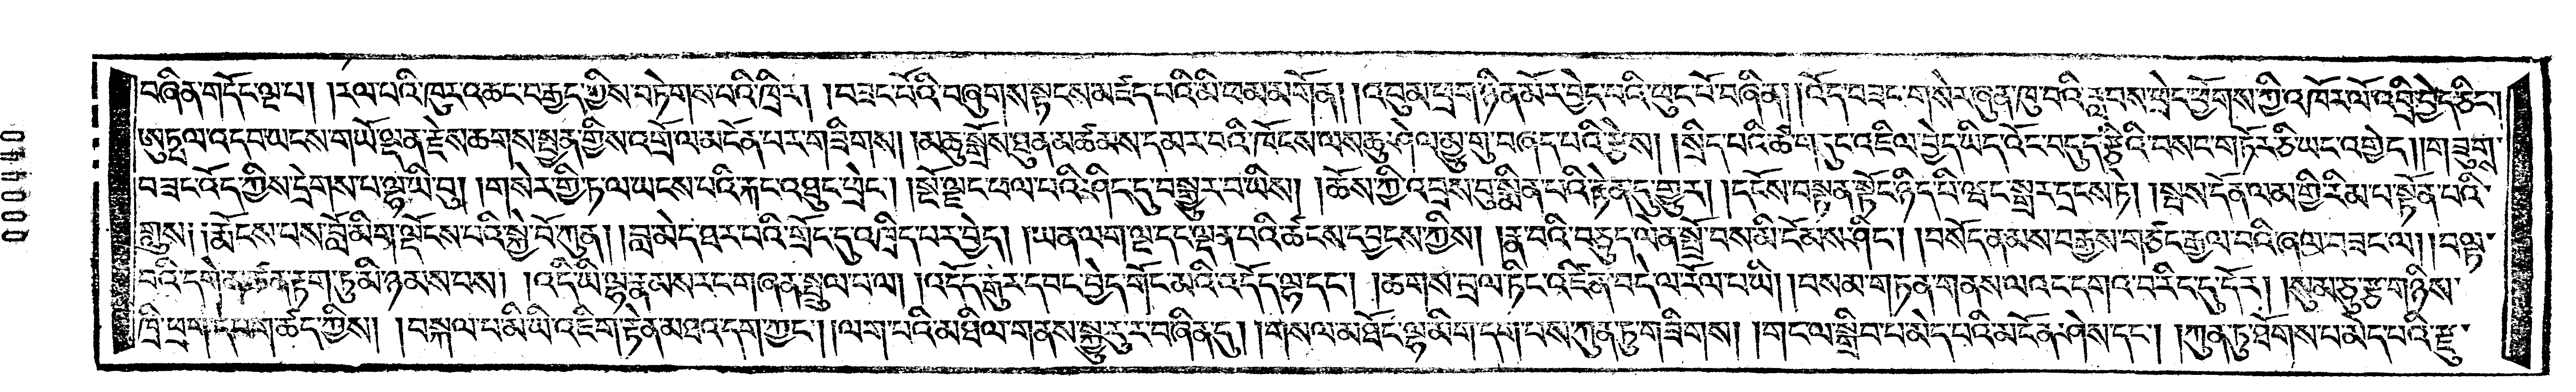བཞིན་གདོང་ལྔ་པ། །རལ་པའི་ཁུང་འཆང་བརྒྱད་ཀྱིས་བཏེགས་པའི་ཁྲིར། །བཟང་པོའི་བཞུགས་སྟངས་མཛོད་པའི་མི་ཕམ་མགོན། །འབུམ་ཕྲག་ཉིན་མོར་བྱེད་པའི་ཕུང་པོ་བཞིན། །འོད་བཟང་གསེར་ཞུན་ཁུ་བའི་རླབས་ཕྲེང་ཕྱོགས་ཀྱི་འཁོར་ལོ་འབྲི་བྱེད་ཅིང་།
ཨུཏྤལ་བ་དང་ཡངས་གཡོ་ལྡན་རྗེས་ཆགས་སྤྱད་ཀྱིས་འགྲོལ་མངོན་པར་གཟིགས། །མཆུ་སྒྲོས་ཐུན་མཚམས་དམར་བའི་ཁོངས་ལས་ཆུ་ཤེལ་མྱུ་གུ་བཞད་པའི་རྩེས། །སྲིད་པའི་ཚ་གདུང་འཇིལ་བྱེད་ཡིད་འོང་བདུད་རྩིའི་བསང་གཏོར་ཅི་ཡང་འགྱེད། །གཟུགས་
བཟང་འོད་ཀྱིས་དྲེགས་པ་ལྷ་ཡི་བུ། །གསེར་གྱི་ཏ་ལ་ཡངས་པའི་རྐང་འཐུང་ཕྲེང་། །སྔོ་ལྗང་ཕལ་བའི་ཤིང་དུ་བསྒྱུར་བ་ཡིས། །ཆོས་ཀྱི་འབྲས་བུ་སྨིན་པའི་རྟེན་དུ་གྱུར། །དངོས་བསྟན་སྟོང་ཉིད་པི་ཝང་སྒྲར་དྲངས་ཏེ། །སྤས་དོན་ལམ་གྱི་རིམ་པ་སྟོན་པའི་
གླུས༑ ༑རྨོངས་པས་བློ་མིག་ལྡོངས་པའི་སྐྱེ་བོ་ཀུན། །བླ་མེ་ཐར་པའི་གྲོང་དུ་འཁྲིད་པར་བྱེད། །ཡན་ལག་ལྔ་དང་ལྡན་པའི་ཚངས་དབྱངས་ཀྱིས། །རྣ་བའི་བཅུད་ལན་སྤྲོ་བས་མི་ངོམས་ཤིང་། །བསོད་ནམས་བརྒྱས་གཙང་རྒྱལ་བའི་ཞལ་བཟང་ལ། །བལྟ་
བའི་དགེ་མཚན་རྟག་ཏུ་མི་ཉམས་པས། །འདི་ཡི་ལྷ་རྣམས་རང་གཞན་སྦྲུལ་པ་ལ། །འདོད་རྒུར་དབང་བྱེད་གོང་མའི་འདོད་ལྷ་དང་། །ཆགས་བྲལ་ཏིང་འཛིན་བདེ་ལ་རོལ་པ་ཡི། །བསམ་གཏན་གནས་ལའང་དགའ་བ་རིང་དུ་དོར། །སུམ་ཅུ་རྩ་གཉིས་
ཁྲི་ཕྲག་དཔག་ཚད་ཀྱིས། །བསྐལ་བ་མི་ཡི་འཇིག་རྟེན་མཐའ་དག་ཀྱང་། །ལག་པའི་མཐིལ་གནས་སྐྱུ་རུ་ར་བཞིན་དུ། །གསལ་མཐོང་ལྷ་མིག་དག་པས་ཀུན་ཏུ་གཟིགས། །གང་ལ་སྒྲིབ་པ་མེད་པའི་མངོན་ཤེས་དང་། །ཀུན་ཏུ་ཐོགས་པ་མེད་པའི་རྫུ་